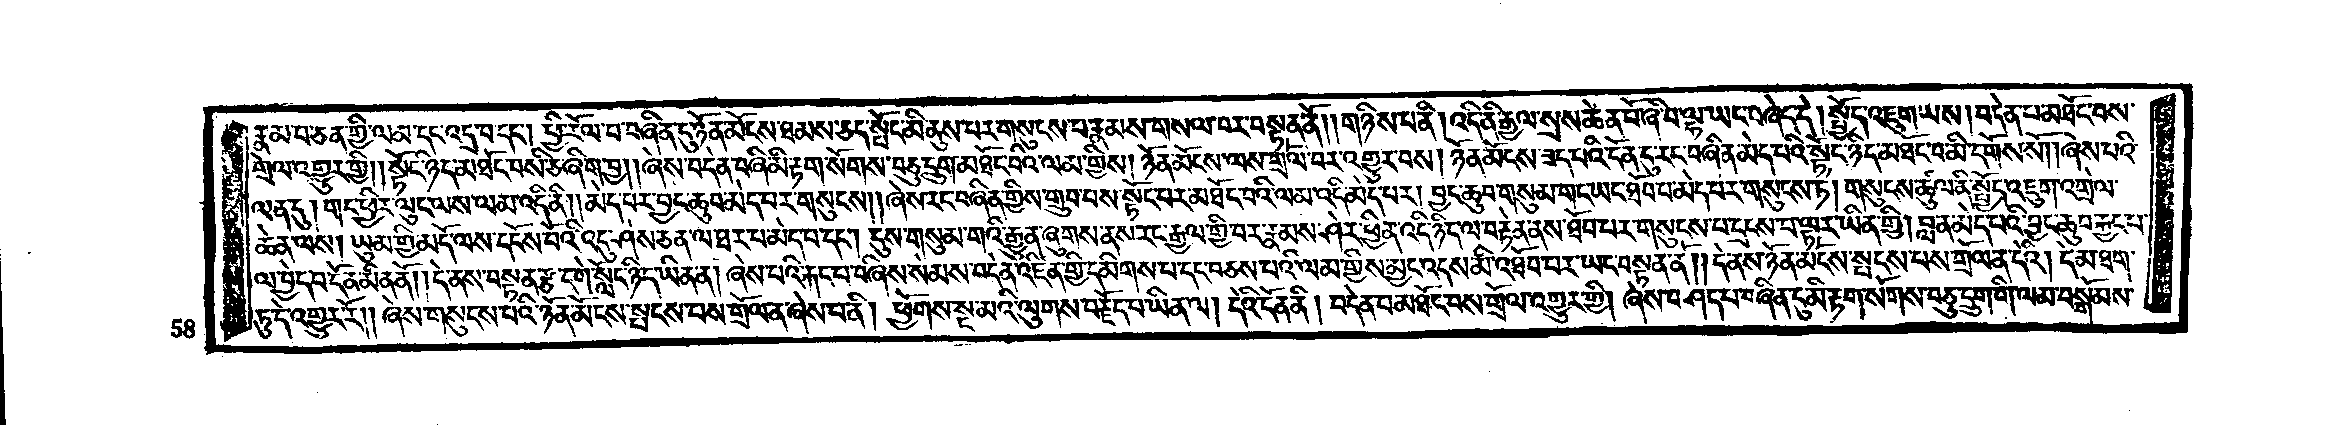རྣམ་པ་ཅན་གྱི་ལམ་དང་འདྲ་བ་དང་། ཕྱི་རོལ་པ་བཞིན་དུ་ཉོན་མོངས་ཐམས་ཅད་སྤོང་མི་ནུས་པར་གསུངས་པ་རྣམས་གསལ་བར་བསྟན་ཏོ། །གཉིས་པ་ནི། འདི་ནི་རྒྱལ་སྲས་ཆེན་པོ་ཞི་བ་ལྷ་ཡང་བཞེད་དེ། སྤྱོད་འཇུག་ལས། བདེན་པ་མཐོང་བས་
གྲོལ་འགྱུར་གྱི། །སྟོང་ཉིད་མཐོང་བས་ཅི་ཞིག་བྱ། །ཞེས་བདེན་བཞི་མི་རྟག་སོགས་བཅུ་དྲུག་མཐོང་བའི་ལམ་གྱིས། ཉོན་མོངས་ལས་གྲོལ་བར་འགྱུར་བས། ཉོན་མོངས་ཟད་པའི་དོན་དུ་རང་བཞིན་མེད་པའི་སྟོང་ཉིད་མཐོང་བ་མི་དགོས་སོ། །ཞེས་པའི་
ལན་དུ། གང་ཕྱིར་ལུང་ལས་ལམ་འདི་ནི། །མེད་པར་བྱང་ཆུབ་མེད་པར་གསུངས། །ཞེས་རང་བཞིན་གྱིས་གྲུབ་པས་སྟོང་པར་མཐོང་བའི་ལམ་འདི་མེད་པར། བྱང་ཆུབ་གསུམ་གང་ཡང་ཐོབ་པ་མེད་པར་གསུངས་ཏེ། གསུངས་ཚུལ་ནི་སྤྱོད་འཇུག་འགྲེལ་
ཆེན་ལས། ཡུམ་གྱི་མདོ་ལས་དངོས་པོའི་འདུ་ཤེས་ཅན་ལ་ཐར་པ་མེད་པ་དང་། དུས་གསུམ་གའི་རྒྱུན་ཞུགས་ནས་རང་རྒྱལ་གྱི་བར་རྣམས་ཤེར་ཕྱིན་འདི་ཉིད་ལ་བརྟེན་ནས་ཐོབ་པར་གསུངས་པ་དྲངས་པ་ལྟར་ཡིན་གྱི། བླ་ན་མེད་པའི་བྱང་ཆུབ་རྐྱང་པ་
ལ་བྱེད་པ་དོན་མིན་ནོ། །དེ་ནས་བསྟན་རྩ་དགེ་སློང་ཉིད་ཡིན་ན། ཞེས་པའི་རྐང་པ་བཞིས་སེམས་བདེན་འཛིན་གྱི་དམིགས་པ་དང་བཅས་པའི་ལམ་གྱིས་མྱང་འདས་མི་འཐོབ་པར་ཡང་བསྟན་ནོ། །དེ་ནས་ཉོན་མོངས་སྤངས་པས་གྲོལ་ན་དེའི། དེ་མ་ཐག་
ཏུ་དེ་འགྱུར་རོ། །ཞེས་གསུངས་པའི་ཉོན་མོངས་སྤངས་པས་གྲོལ་ན་ཞེས་པ་ནི། ཕྱོགས་སྔ་མའི་ལུགས་བརྗོད་པ་ཡིན་ལ། དེའི་དོན་ནི། བདེན་པ་མཐོང་བས་གྲོལ་འགྱུར་གྱི། ཞེས་བཤད་པ་བཞིན་དུ་མི་རྟག་སོགས་བཅུ་དྲུག་གི་ལམ་བསྒོམས་